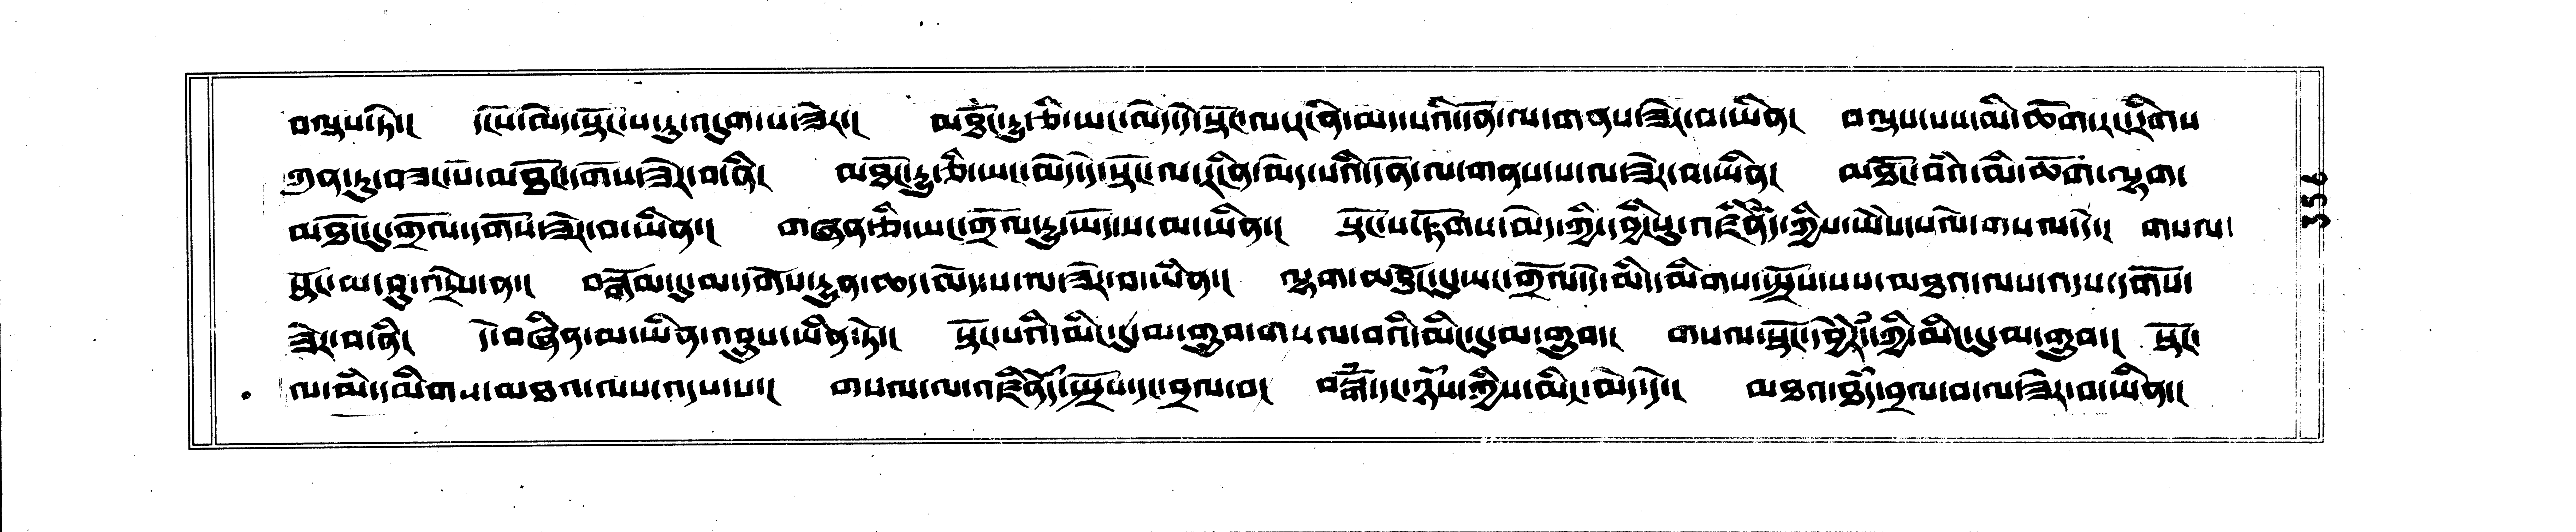ལ་ལྟ་སྟེ། དངོས་མེད་སྟོང་པ་རུ་འདུག་པ་ལ་ཟེར་བ་ཡིན། བལྟས་པས་མི་ཆོག་རང་རིག་
ཀུན་ཏུ་བཟང་པོ་མཐོང་དགོས་ཟེར་བ་ནི། མཐོང་རྒྱུ་ཅི་ཡང་མེད་དེ། སྟོང་ལ་རང་བཞིན་མེད་པའི་དོན་དེ་ལ་གནས་པ་ལ་ཟེར་བ་ཡིན། མཐོང་པས་མི་ཆོག་ལྷ
ག་མཐོང་དུ་གྲོལ་དགོས་པ་ཟེར་བ་ཡིན། གཞན་ཅི་ཡང་གྲོལ་རྒྱུ་ཡོད་པ་མ་ཡིན་ཏེ། སྟོང་ལ་བདག་མེད་ཀྱིས་དབྱིངས་སུ་འཛིན་མེད་ཀྱི་ཡེ་ཤེས་སལེ་གསལ་ཏེ་ གསལ་
སྟོང་མ་བུ་འདྲེས་ནས་ སྒོམས་དུ་མི་དགོས་རྒྱུན་ཆད་མེད་པ་ལ་ཟེར་བ་ཡིན། ལྷག་མཐོང་དུ་ཡང་གྲོལ་ཏེ། མི་དམིགས་སྤྲོས་པའི་མཐའ་ལས་འདས་དགོས་
ཟེར་བ་ནི། དེ་བཞིན་མོའི་འབྲས་བུ་ཡིན་ཏེ། སྟོང་པ་མིང་དུ་མ་གྲུབ། གསལ་བ་མིང་དུ་མ་གྲུབ། གསལ་སྟོང་དབྱེར་མེད་ཀྱིས་མིང་དུ་མ་གྲུབ། སྟོང་
པ་མི་དམིགས་མཐའ་ལས་དྷས་(འདས)། གསལ་ལ་འཛིན་མེད་སྤྲོས་དང་བྲལ། སྒོམ་དང་ཉམས་ཀྱི་མིང་མེད་སྟེ། མཐའ་ཐམས་ཅད་བྲལ་བ་ལ་ཟེར་བ་ཡིན།